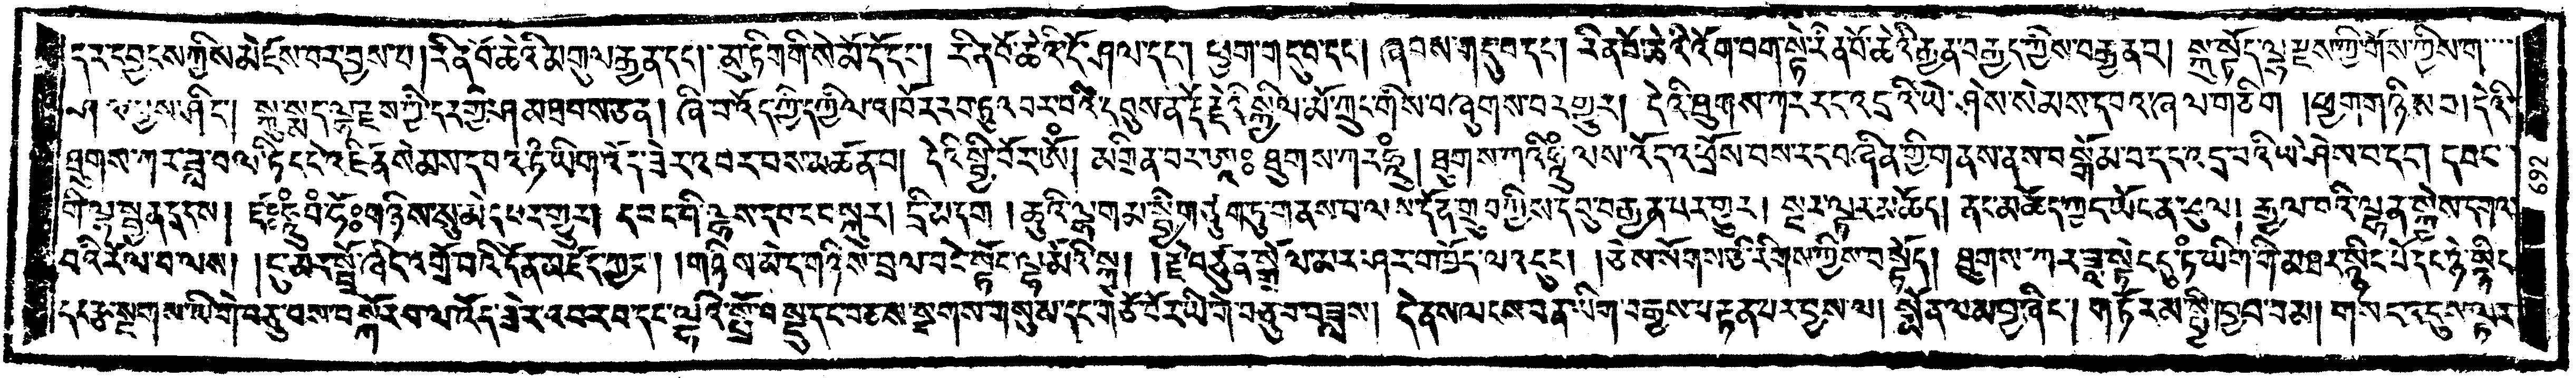དར་དབྱངས་ཀྱིས་མཛེས་བར་བྱས་པ། རིན་པོ་ཆེའི་མགུལ་རྒྱན་དང་། མུ་ཏིག་གི་སེ་མོ་དོ་དང་། རིན་པོ་ཆེའི་ངོ་ཤལ་དང་། ཕྱག་གདུ་བ་དང་། ཞབས་གདུ་བ་དང་། རིན་བོ་ཆེའི་འོག་བག་སྟེ་རིན་པོ་ཆེའི་རྒྱན་བརྒྱད་ཀྱིས་བརྒྱན་བ། སྐུ་སྟོད་ལྷ་རྫས་ཀྱི་གོས་ཀྱིས་ག་
ཤལ་བྱས་ཤིང་། སྐུ་སྨད་ལྷ་རྫས་ཀྱི་དར་གྱི་ཤ་མཐབས་ཅན། ཞི་བ་འོད་ཀྱི་དཀྱིལ་འཁོར་རབ་ཏུ་འབར་བའི་དབུས་ན་རྡོ་རྗེའི་སྐྱིལ་མོ་ཀྲུང་གིས་བཞུགས་བར་གྱུར། དེའི་ཐུགས་ཀར་རང་འདྲའི་ཡེ་ཤེས་སེམས་དཔའ་ཞལ་གཅིག །ཕྱག་གཉིས་ག་དེའི་
ཐུགས་ཀར་ཟླ་བ་ལ་ཏིང་ངེ་འཛིན་སེམས་དཔའ་ཏི་ཡིག་འོད་ཟེར་འབར་བས་མཚན་བ། དེའི་སྦྱི་བོར་ཨོཾ། མགྲིན་བར་ཨཱཿ ཐུགས་ཀར་ཧཱུཾ། ཐུགས་གའི་ཧཱུཾ་ལས་འོད་འཕྲོས་བས་རང་བཞིན་གྱི་གནས་ནས་བསྒོམ་བ་དང་འདྲ་བའི་ཡེ་ཤེས་པ་དང་། དབང་
གི་ལྟ་སྦྱན་དྲངས། རྫཿ ཧཱུཾ་བཾ་ཧོཿ གཉིས་སུ་མེད་པ་གྱུར། དབང་གི་ལྷས་དབང་བསྐུར། དྲི་མ་དག །ཆུའི་ལྷག་མ་སྦྱི་གཙུག་ཏུ་གནས་བ་ལས་དོན་གྲུབ་ཀྱིས་དབུ་བརྒྱན་པར་གྱུར། སྔར་ལྟར་མཆོད། ནང་མཆོད་ཀྱང་ཡོང་ན་ཕུལ། རྒྱལ་པའི་ལྷན་སྐྱེས་དགའ་
བའི་རོལ་བ་ལས། །དུ་མར་སྦྲོ་ཞིང་འགྲོ་བའི་དོན་མཛོད་ཀྱང་། །གཉིས་མེད་གཉིས་བྲལ་བདེ་སྟོང་ལྷ་མོའི་སྐུ། །རྗེ་བཙུན་སྒྲོལ་མར་ཤར་བ་ཁྱོད་ལ་འདུད། །ཅེས་སོགས་ཅི་རིགས་ཀྱིས་བསྟོད། ཐུགས་ཀར་ཟླ་སྟེང་དུ་ཏཾ་ཡིག་གི་མཐར་སྙིང་པོ་རང་ཉེ་སྙིང་
དང་རྩ་སྔགས་ཡི་གེ་བཅུ་བས་བསྐོར་བ་ལ་འོད་ཟེར་འབར་བ་དང་ལྷའི་སྒྲོང་སྡུ་དང་བཅས་སྔགས་གསུམ་དང་གཙོ་བོར་ཡི་གེ་?????་བཟླས། དེ་ནས་ལངས་བ་ན་ཡིག་བརྒྱས་བརྟན་བར་བྱས་ལ། སྨོན་ལམ་བྱ་ཞིང་། གཏོར་མ་སྤྱི་བྱ་བ་བམ། གསང་འདུས་ལྟར་